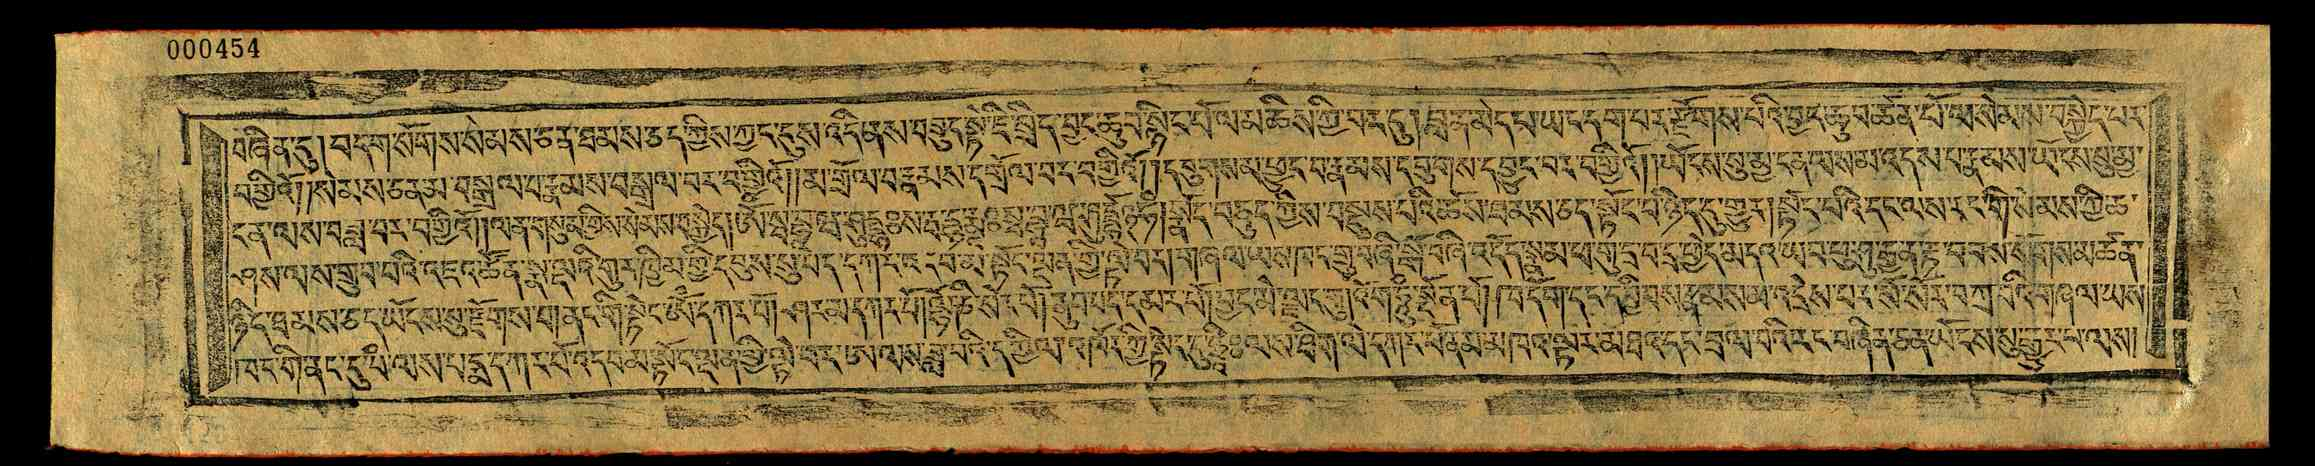བཞིན་དུ། བདག་སོགས་སེམས་ཅན་ཐམས་ཅད་ཀྱིས་ཀྱང་དུས་འདི་ནས་བཟུང་སྟེ་ཇི་སྲིད་བྱང་ཆུབ་སྙིང་པོ་ལམ་ཆིས་ཀྱི་བར་དུ། བླ་ན་མེད་པ་ཡང་དག་པར་རྫོགས་པའི་བྱང་ཆུབ་ཆེན་པོ་ལ་སེམས་བསྐྱེད་པར་
བགྱིའོ། །སེམས་ཅན་མ་བསྒྲལ་བ་རྣམས་བསྒྲལ་བར་བགྱིའོ། །མ་གྲོལ་བ་རྣམས་དགྲོལ་བར་བགྱིའོ། །དབུགས་མ་ཕྱུང་བ་རྣམས་དབུགས་དབྱུང་བར་བགྱིའོ། །ཡོངས་སུ་མྱ་ངན་ལས་མ་འདས་པ་རྣམས་ཡོངས་སུ་མྱ་
ངན་ལས་བཟླ་བར་བགྱིའོ། ། ལན་གསུམ་གྱིས་སེམས་བསྐྱེད།  ཨོཾ་སྭ་བྷཱ་ཝ་ཤུརྰྷཿ སརྦ་དྷརྨཿ སྲ་བྲྷཱ་ཝ་ཤུདྡྙོ་?་ཉཧཾ། སྣོད་བཅུད་ཀྱིས་བསྡུས་པའི་ཆོས་ཐམས་ཅད་སྟོང་པ་ཉིད་དུ་གྱུར། སྟོང་པའི་ངང་ལས་རང་གི་སེམས་ཀྱི་ཆ་
ཤས་ལས་གྲུབ་པའི་འཇའ་ཚོན་སྣ་ལྔའི་གུར་ཁྱིམ་གྱི་དབུས་སུ་པད་དཀར་འདབ་མ་སྟོང་ལྡན་གྱི་ལྟ་བར། གཞལ་ཡས་ཁང་གྲུ་བཞི་སྒོ་བཞི་འདོད་སྣམ་ཕ་གུ་དྲ་བ་དྲ་ཕྱེད་མདའ་ཡབ་པུ་ཤུ་རྒྱན་རྟ་བྦས་སོགས་མཚན་
ཉིད་ཐམས་ཅད་ཡོངས་སུ་རྫོགས་པ། ནང་གི་སྟེང་ཨོཾ་དཀར་པོ། ཤར་མ་དཀར་པོ། ལྷོ་ཎི་སེར་པོ། ནུབ་པད་དམར་པོ། བྱང་མེ་ལྗང་གུ། འོག་ཧཱུཾ་སྔོན་པོ། ཁ་དོག་དང་དབྱིབས་རྣམས་མ་འདྲེས་པར་སོ་སོར་བཀྲ་བའི་གཞལ་ཡས་
ཁང་གི་ནང་དུ་པཾ་ལས་པདམ་དཀར་པོ་འདབ་མ་སྟོང་ལྡན་གྱི་ལྟེ་བར་ཨ་ལས་ཟླ་བའི་དཀྱིལ་འཁོར་གྱི་སྟེང་དུ་ཧྲིཿ ལས་ཐིག་ལེ་དཀར་པོ་ནམ་མཁའ་ལྟར་མཐའ་དང་བྲལ་བའི་རང་བཞིན་ཅན་ཡོངས་སུ་གྱུར་པ་ལས།